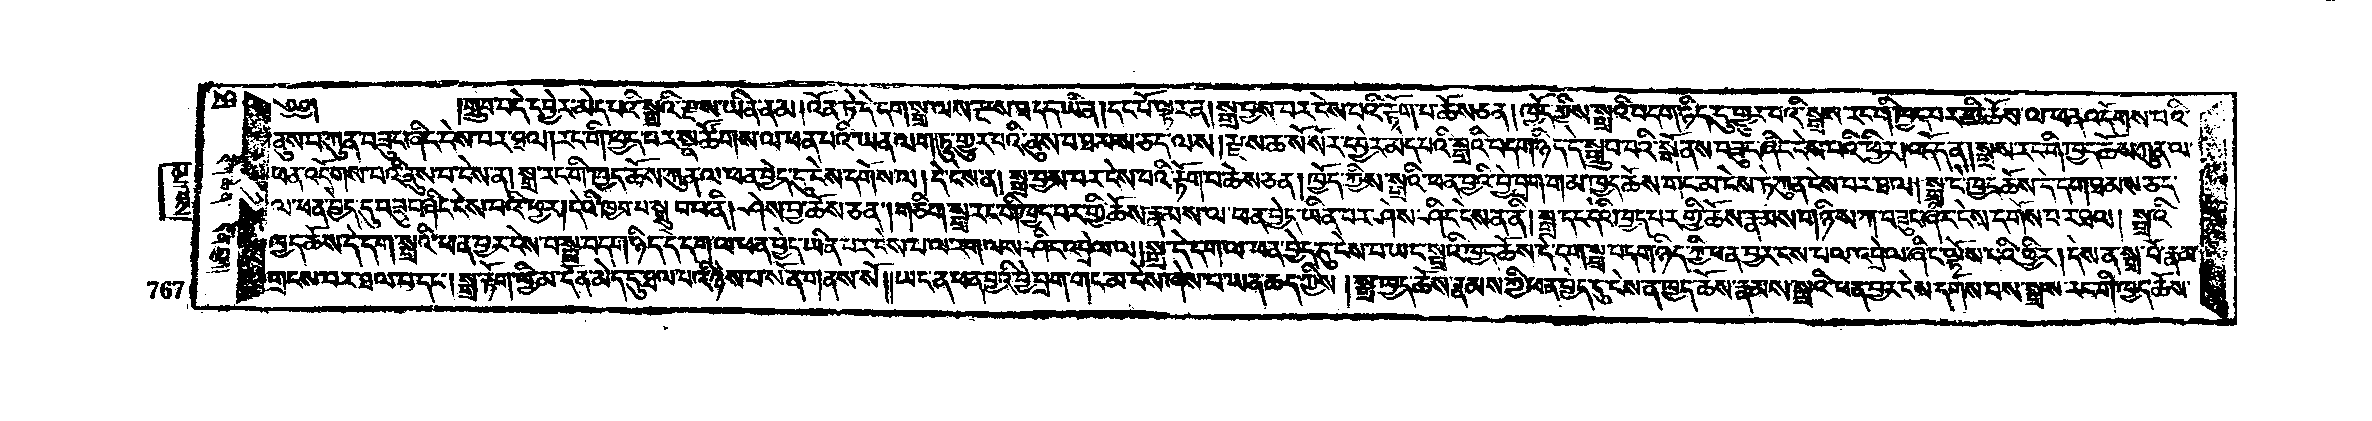༄༅། །གྲུབ་བདེ་དབྱེར་མེད་པའི་སྒྲའི་རྫས་ཡིན་ནམ། འོན་ཏེ་དེ་དག་སྒྲ་ལས་རྫས་ཐ་དད་ཡིན། དང་པོ་ལྟར་ན། སྒྲ་བྱས་པར་ངེས་པའི་རྟོག་པ་ཆོས་ཅན། ཁྱོད་ཀྱིས་སྒྲའི་བདག་ཉིད་དུ་གྱུར་བའི་སྒྲས་རང་གི་ཁྱད་པར་གྱི་ཆོས་ལ་ཕན་འདོགས་པའི་
ནུས་པ་ཀུན་བཟུང་ཞིང་ངེས་པར་ཐལ། རང་གི་ཁྱད་པར་སྣ་ཚོགས་ལ་ཕན་པའི་ཡན་ལག་ཏུ་གྱུར་པའི་ནུས་པ་ཐམས་ཅད་ལས། རྫས་ཆ་སོ་སོར་དབྱེར་མེད་པའི་སྒྲའི་བདག་ཉིད་དེ་སྒྲུབ་པའི་སྒོ་ནས་བཟུང་ཞིང་ངེས་པའི་ཕྱིར། འདོད་ན། སྒྲས་རང་གི་ཁྱད་ཆོས་ཀུན་ལ་
ཕན་འདོགས་པའི་ནུས་པ་ངེས་ན། སྒྲ་རང་གི་ཁྱད་ཆོས་ཀུན་ལ་ཕན་བྱེད་དུ་ངེས་དགོས་ལ། དེ་ངེས་ན། སྒྲ་བྱས་པར་ངེས་པའི་རྟོག་པ་ཆོས་ཅན། ཁྱོད་ཀྱིས་སྒྲའི་ཕན་བྱའི་བྱེ་བྲག་གམ་ཁྱད་ཆོས་གང་མ་ངེས་ཏེ་ཀུན་ངེས་པར་ཐལ། སྒྲ་དེ་ཁྱད་ཆོས་དེ་དག་ཐམས་ཅད་
ལ་ཕན་བྱེད་དུ་བཟུང་ཞིང་ངེས་པའི་ཕྱིར། དེའི་ཁྱབ་པ་སྒྲུབ་པ་ནི། ཤེས་བྱ་ཆོས་ཅན། གཅིག་སྒྲ་རང་གི་ཁྱད་པར་གྱི་ཆོས་རྣམས་ལ་ཕན་བྱེད་ཡིན་པར་ཤེས་ཤིང་ངེས་ན་ནི། སྒྲ་དང་དེའི་ཁྱད་པར་གྱི་ཆོས་རྣམས་གཉིས་ཀ་བཟུང་ཞིང་ངེས་དགོས་པར་ཐལ། སྒྲའི་
ཁྱད་ཆོས་དེ་དག་སྒྲའི་ཕན་བྱར་ངེས་པ་སྒྲ་བདག་ཉིད་དེ་དག་ལ་ཕན་བྱེད་ཡིན་པར་ངེས་པ་ལ་རག་ལས་ཤིང་འབྲེལ་ལ། སྒྲ་དེ་དག་ལ་ཕན་བྱེད་དུ་ངེས་པ་ཡང་སྒྲའི་ཁྱད་ཆོས་དེ་དག་སྒྲ་བདག་ཉིད་ཀྱི་ཕན་བྱར་ངེས་པ་ལ་འབྲེལ་ཞིང་ལྟོས་པའི་ཕྱིར། དེས་ན་སྒྲ་བོ་རྣམ་
གྲངས་བར་ཐལ་བ་དང་། སྒྲ་རྟོག་ཕྱི་མ་དོན་མེད་དུ་ཐལ་པའི་ཉེས་པ་སོ་ན་གནས་སོ། །ཡང་ན་ཕན་བྱའི་བྱེ་བྲག་གང་མ་ངེས་ཞེས་པ་ཡན་ཆད་ཀྱིས། སྒྲ་ཁྱད་ཆོས་རྣམས་ཀྱི་ཕན་བྱེད་དུ་ངེས་ན་ཁྱད་ཆོས་རྣམས་སྒྲའི་ཕན་བྱར་ངེས་དགོས་པས་སྒྲས་རང་གི་ཁྱད་ཆོས་